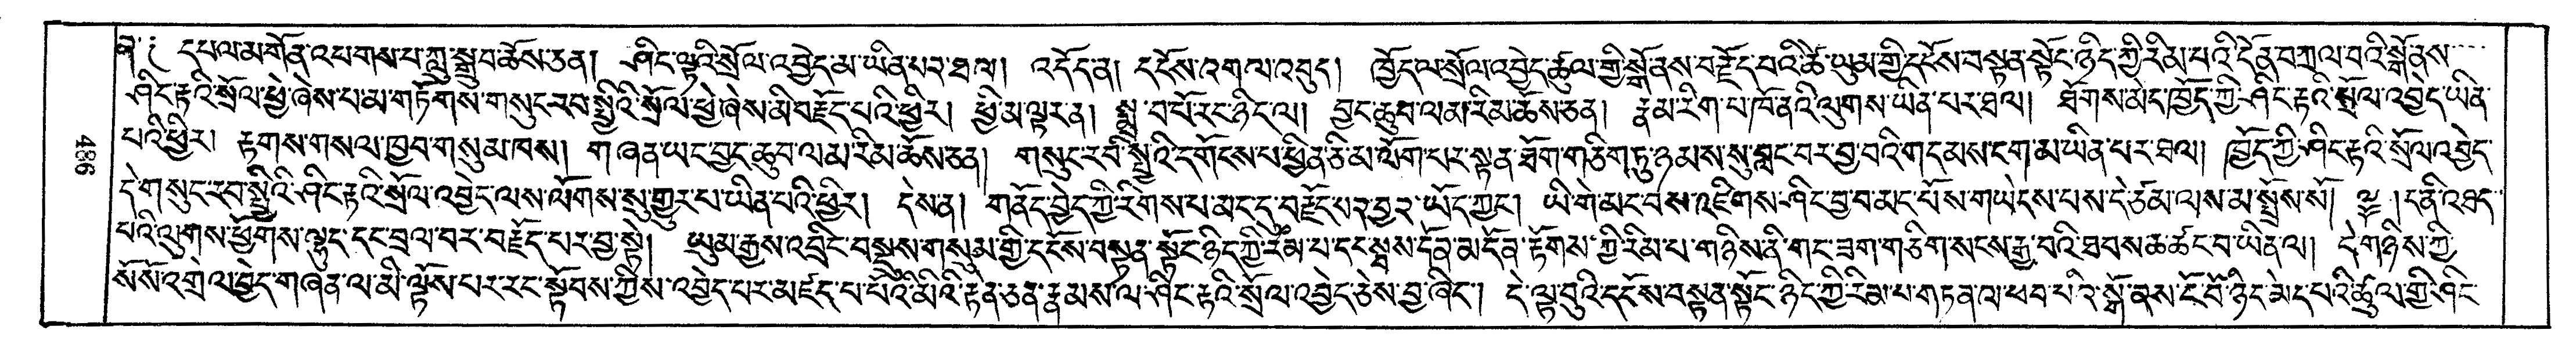ན༑ དཔལ་མགོན་འཕགས་པ་ཀླུ་སྒྲུབ་ཆོས་ཅན། ཤིང་རྟའི་སྲོལ་འབྱེད་མ་ཡིན་པར་ཐལ། འདོད་ན། དངོས་འགལ་འབུད། ཁྱོད་ལ་སྲོལ་འབྱེད་ཚུལ་གྱི་སྒོ་ནས་བརྗོད་པའི་ཚེ་ཡུམ་གྱི་དངོས་བསྟན་སྟོང་ཉིད་ཀྱི་རིམ་པའི་དོན་བཀྲལ་བའི་སྒོ་ནས་
ཤིང་རྟའི་སྲོལ་ཕྱེ་ཞེས་བམ་གཏོགས་གསུང་རབ་སྤྱིའི་སྲོལ་ཕྱེ་ཞེས་མི་བརྗོད་པའི་ཕྱིར། ཕྱི་མ་ལྟར་ན། སྨྲ་བ་པོ་རང་ཉིད་ལ། བྱང་ཆུབ་ལམ་རིམ་ཆོས་ཅན། རྣམ་རིག་པ་ཁོ་ནའི་ལུགས་ཡིན་པར་ཐལ། ཐོགས་མེད་ཁྱོད་ཀྱི་ཤིང་རྟའི་སྲོལ་འབྱེད་ཡིན་
པའི་ཕྱིར། རྟགས་གསལ་ཁྱབ་གསུམ་ཁས། གཞན་ཡང་བྱང་ཆུབ་ལམ་རིམ་ཆོས་ཅན། གསུང་རབ་སྤྱིའི་དགོངས་པ་ཕྱིན་ཅི་མ་ལོག་པར་སྟན་ཐོག་གཅིག་ཏུ་ཉམས་སུ་བླང་བར་བྱ་བའི་གདམས་ངག་མ་ཡིན་པར་ཐལ། ཁྱོད་ཀྱི་ཤིང་རྟའི་སྲོལ་འབྱེད་
དེ་གསུང་རབ་སྤྱིའི་ཤིང་རྟའི་སྲོལ་འབྱེད་ལས་ལོགས་སུ་གྱུར་པ་ཡིན་པའི་ཕྱིར། དེས་ན། གནོད་བྱེད་ཀྱི་རིགས་པ་མང་དུ་བརྗོད་པར་བྱར་ཡོད་ཀྱང་། ཡི་གེ་མང་བས་འཇིགས་ཤིང་བྱ་བ་མང་པོས་གཡེངས་པས་དེ་ཙམ་ལས་མ་སྤྲོས་སོ། ༈ །ད་ནི་འཐད་
པའི་ལུགས་ཕྱོགས་ལྷུང་དང་བྲལ་བར་བརྗོད་པར་བྱ་སྟེ། ཡུམ་རྒྱས་འབྲིང་བསྡུས་གསུམ་གྱི་དངོས་བསྟན་སྟོང་ཉིད་ཀྱི་རིམ་པ་དང་སྦས་དོན་མངོན་རྟོགས་ཀྱི་རིམ་པ་གཉིས་ནི་གང་ཟག་གཅིག་སངས་རྒྱ་བའི་ཐབས་ཆ་ཚང་བ་ཡིན་ལ། དེ་གཉིས་ཀྱི་ཆ་
སོ་སོ་འགྲེལ་བྱེད་གཞན་ལ་མི་ལྟོས་པར་རང་སྟོབས་ཀྱིས་འབྱེད་པར་མཛད་པ་པོའི་མིའི་རྟན་ཅན་རྣམས་ལ་ཤིང་རྟའི་སྲོལ་འབྱེད་ཅེས་བྱ་ཞིང་། དེ་ལྟ་བུའི་དངོས་བསྟན་སྟོང་ཉིད་ཀྱི་རིམ་པ་གཏན་ལ་ཕབ་པའི་སྒོ་ནས་ངོ་བོ་ཉིད་མེད་པའི་ཚུལ་གྱི་ཤིང་